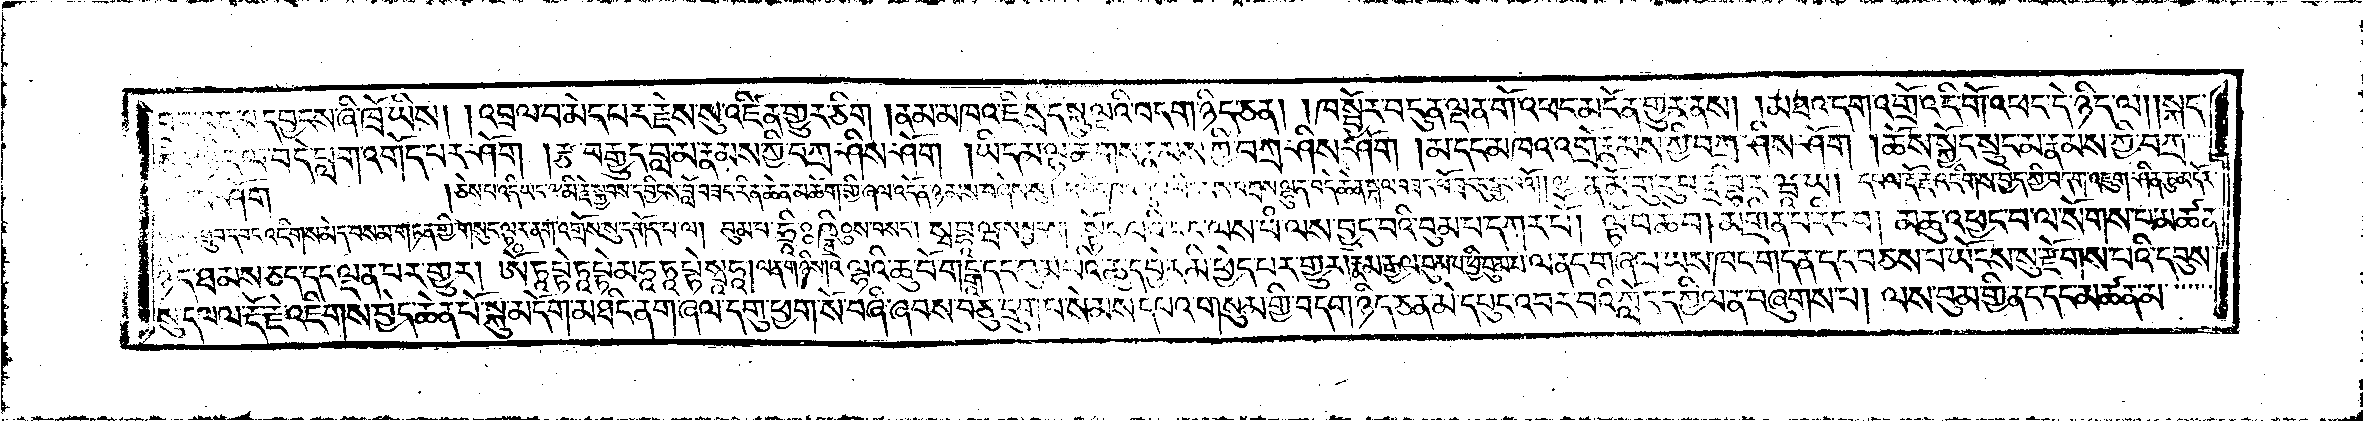པར་འཇམ་དབྱངས་ཞི་ཁྲོ་ཡིས། །འབྲལ་བ་མེད་པར་རྗེས་སུ་འཛིན་གྱུར་ཅིག །ནམ་མཁའ་ཇི་སྲིད་སྐུ་ལྔའི་བདག་ཉིད་ཅན། །ཁ་སྦྱོར་བདུན་ལྡན་གོ་འཕང་མངོན་གྱུར་ནས། །མཐའ་དག་འགྲོ་འདི་གོ་འཕང་དེ་ཉིད་ལ། །སྐད་
ཅིག་ཉིད་ལ་བདེ་བླག་འགོད་པར་ཤོག །རྩ་བརྒྱུད་བླ་མ་རྣམས་ཀྱི་བཀྲ་ཤིས་ཤོག །ཡི་དམ་ལྷ་ཚོགས་རྣམས་ཀྱི་བཀྲ་ཤིས་ཤོག །མ་དང་མཁའ་འགྲོ་རྣམས་ཀྱི་བཀྲ་ཤིས་ཤོག །ཆོས་སྐྱོང་སྲུང་མ་རྣམས་ཀྱི་བཀྲ་
ཤིས་ཤོག ། ཅེས་པ་འདི་ཡང ༧མི་རྗེ་སྐྱབས་དབྱིངས་བློ་བཟང་རིན་ཆེན་མཆོག་གྱི་ཞལ་འདོན་ཉམས་བཞེས་སུ། ཕ་བོང་ཁའི་སྤྲུལ་མིང་པས་བཀྲས་ལྷུན་བདེ་ཆེན་སྐལ་བཟང་ཕོ་བྲང་དུ་སྦྱང་བའོ།  ༈ ན་མོ་གུ་རུ་བཛྲ་བྷ་ར་ཝཱ་ཡ། དཔལ་རྡོ་རྗེ་འཇིགས་བྱེད་ཀྱི་བདག་འཇུག་ཤིན་ཏུ་མདོར་
བསྡུས་གྲུབ་དབང་འཇིགས་མེད་བསམ་གཏན་གྱི་གསུང་ལྟར་ནག་འགྲོས་སུ་དགོད་པ་ལ། བུམ་པ་ཧྲཱིཿཥྚྲཱི་བ་བསང་། སྭ་བྷཱ་ཝ་ས་སྦྱངས།  སྟོང་པའི་ངང་ལས་པཾ་ལས་བྱང་བའི་བུམ་པ་དཀར་པོ། ལྟོ་བ་ཆ་བ། མགྲིན་པ་རིང་བ། མཆུ་འཕྱང་བ་ལ་སོགས་པ་མཚན་
ཉིད་ཐམས་ཅད་དང་ལྡན་པར་གྱུར། ཨོཾ་ཏཱཔྟེ་ཏཱཔྟེ་མཧཱ་ཏཱཔྟེ་སྭཱཧཱ། ལན་གཉིས།  ལྷའི་ཆུ་བོ་གངྒཱ་དང་བུམ་པའི་ཆུ་དབྱེར་མི་ཕྱེད་པར་གྱུར། རྣམ་རྒྱལ་བུམ་པ་ཕྱི་བུམ་པ་ལ་ནང་གཞལ་ཡས་ཁང་གདན་དང་བཅས་པ་ཡོངས་སུ་རྫོགས་པའི་དབུས་
སུ་དཔལ་རྡོ་རྗེ་འཇིགས་བྱེད་ཆེན་པོ་སྐུ་མདོག་མཐིང་ན་གཞལ་དགུ་ཕྱག་སོ་བཞི་ཞབས་བཅུ་དྲུག་པ་སེམས་དཔའ་གསུམ་གྱི་བདག་ཉིད་མེ་དཔུང་འབར་བའི་ཀློང་དཀྱིལ་ན་བཞུགས་པ། ལས་བུམ་གྱི་ནང་དང་མཚན་མ་